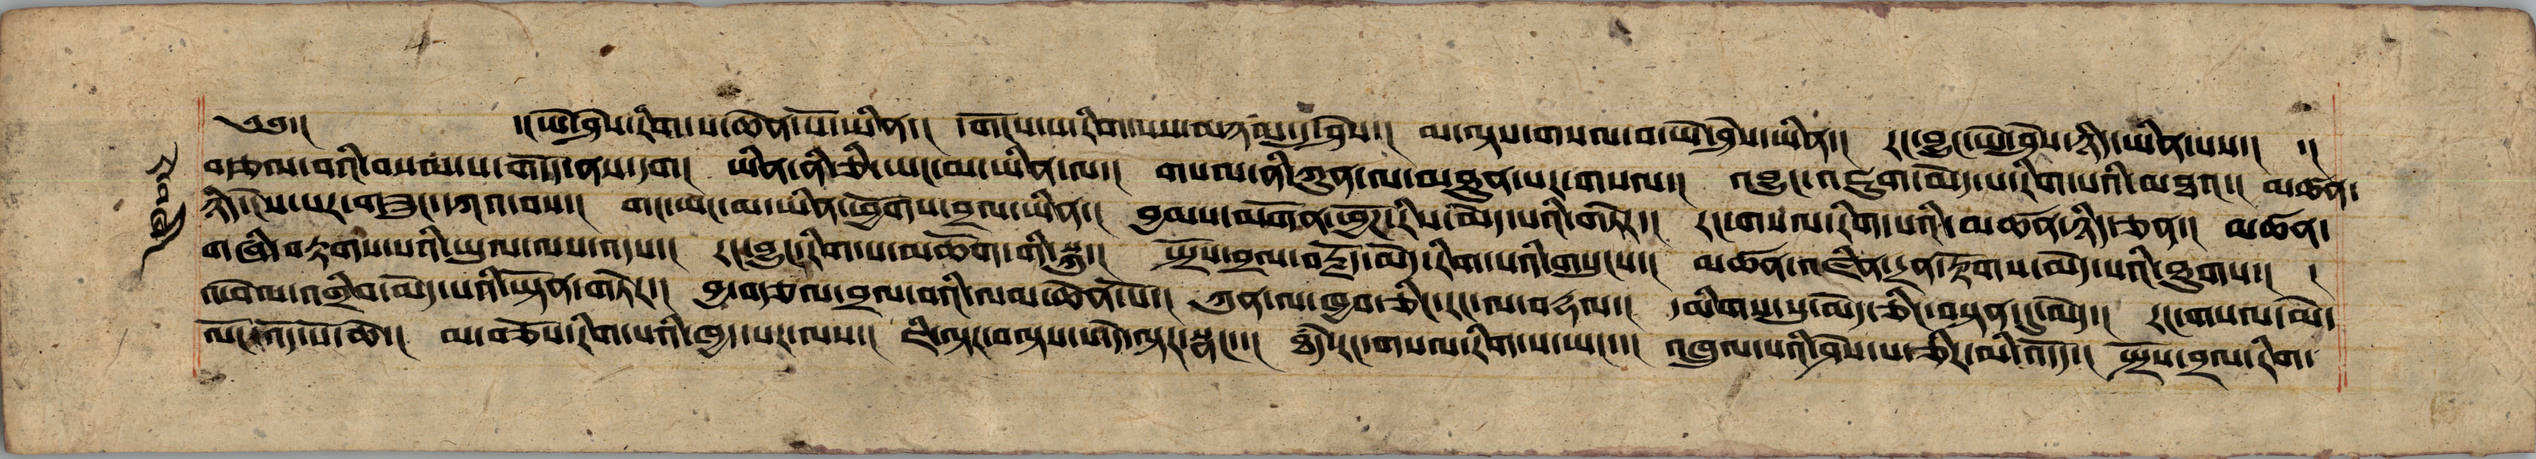༄༅་། ་།ཡེ་ཤེས་རིག་པ་ཆེན་པོ་ཡིན་། དགོངས་པ་རིག་པས་མཉམ་དུ་ཤེས་། མ་ལྟས་གསལ་བ་ཡེ་ཤེས་ཡིན་། རང་བྱུང་ཡེ་ཤེས་ཉིད་ཡིན་པས་། ་།
བརྩལ་བའི་བསམ་པ་གདོད་ནས་དག། ཡིན་ནི་ཅི་ཡང་མ་་ཡིན་ལ་། གསལ་ནི་ཀུན་ལ་མཐུན་པར་གསལ་། འབྱུང་འཇུག་མེད་པ་རིག་པའི་མཐའ་། མཚན་
ཉིད་ངེས་པར་གཟུང་དཀའ་བས་། གང་ཡང་མ་ཡིན་ཕྱོགས་བྲལ་ཡིན་། བྱམས་མགོན་ཕྱོཌ་རིས་མེད་པའི་གཏེར་། རང་གསལ་རིག་པའི་མཚན་ཉིད་ཅན་། མཚན་
གཞི་བརྟགས་པའི་ཡུལ་ལས་འདས་། རང་བྱུང་རིག་པ་མཆོག་གི་སྐུ་། སྤྲོས་བྲལ་བརྗོད་མེད་རིག་པའི་གསུངས་། མཚན་འཛིན་དྲན་རྟོགས་མེད་པའི་ཐུགས་། །
འཕེལ་འགྲིབ་མེད་པའི་ཡྟོན་གཏེར་། བྱ་བརྩལ་བྲལ་བའི་ལམ་ཆེན་པོ་། ཀུན་ལ་ཁྱབ་ཅིང་རང་ལ་བརྡལ་། དམིགས་སུ་མེད་ཅིང་བསྟན་དུ་མེད་། རང་གསལ་མེ་
ལོང་འོད་པོ་ཆེ་། མ་བཅོས་རིག་པའི་ཁྱད་པར་ལས་། ཇི་ལྟར་བལྟས་པ་དེ་ལྟར་སྣང་་། ཐཾད་རང་གསལ་རིག་པ་ཡང་་། འཁྲུལ་པའི་ཤེས་པ་ཅིར་མི་འདོད་། སྤྲོས་བྲལ་རིག་